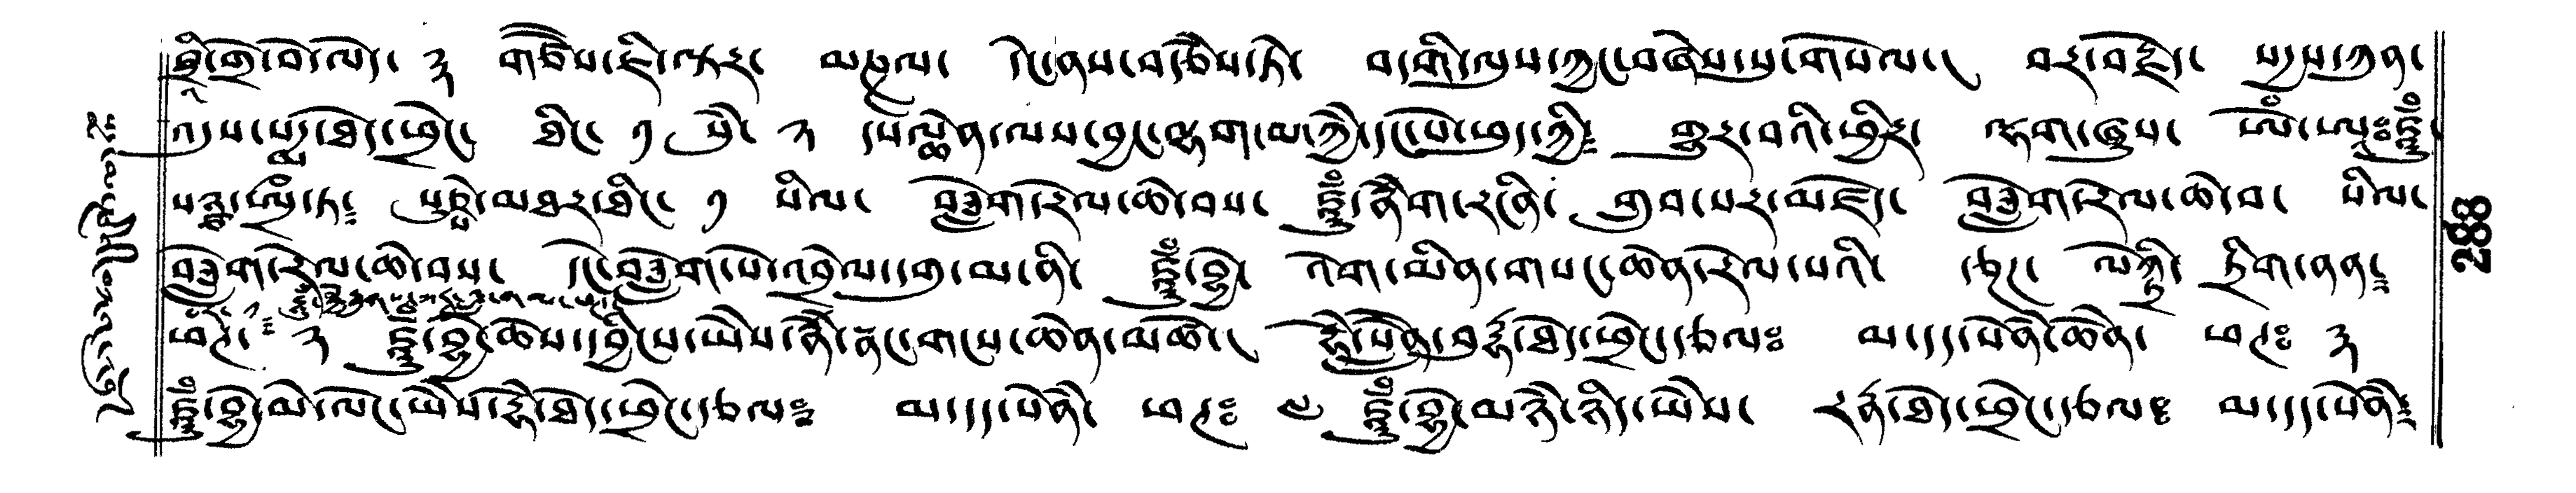ཤྲཱི་གྲོ་བོ་ལོད༴ གསུམ། གཙོ་བོས་ཇི་ལྟར༴ མཎྜལ། དེང་ནས་བརྩམས་ཏེ༴ བདག་གི་ལུས་ཀྱང་བཞེས་སུ་གསོལ།བར་བརྗོད། སངས་རྒྱས་ཀུན་
འདུས་པདྨ་ཐོད་ཕྲེང༴ ཐིང་གཅིག སུམ་གཉིས། དཔལ་ཆེན་ལས་བྱང་གི་ལྷག་མ། ཀྱཻ༔ དང་པོ་ཕུད་ཀྱི༴ གྱུར་བའི་ཕྱིར༔ ལྷག་ཞུས། ཨོཾ་ཨཱཿཧཱུྃ་
པཉྩ་ཨ་མྲྀ་ཏ༴ པུཥྤེ༴ མཐར་ཐིང་གཅིག སིལ། བཟློག་རོལ་ཆེ་བས། ཧཱུྃ༔ རྣམ་དག་རང་བཞིན༴ གྲུབ་པར་མཛོད༔ བཟློག་རོལ་ཆེ་བ། སིལ། 
བཟློག་རོལ་ཆེ་བས། བཟློག་པ་འགྲེས་དགུ་མ་ནི། དང་པོ། ཧཱུྃ་བྷྱོ༔ འོག་མིན་གསང་ཆེན་རོལ་པའི༴ རྩ་སྔགས། ལོཀྟྲི། ཏྲིག་ནན༴ 
ཕཊཿ བར། གཉིས་པ། ཧཱུྃ་བྷྱོ༔ ཐུགས་སླར་ཟླ་གམ༴ ཕཊ༔ གསུམ་པ། ཧཱུྃ་བྷྱོ༔ ཆོས་དབྱིངས་ཡེ་ཤེས་རྣམ་སྣང་གངས་ཆེན་མཚོ༔ རྡོ་རྗེ་སློབ་དཔོན་བུདྡྷ་ཐོད་ཕྲེང་རྩལ༔ མ་དད་སེམས་ཅན༴ ཕཊཿ བཞི་པ།
ཧཱུྃ་བྷྱོ༔ མེ་ལོང་ཡེ་ཤེས་རྡོ་རྗེ་ཐོད་ཕྲེང་རྩལ༔ མ་དད་སེམས་ཅན༴ ཕཊཿ ལྔ་པ། ཧཱུྃ་བྷྱོ༔ མཉམ་ཉིད་ཡེ་ཤེས་རཏྣ་ཐོད་ཕྲེང་རྩལ༔ མ་དད་སེམས་ཅན༴